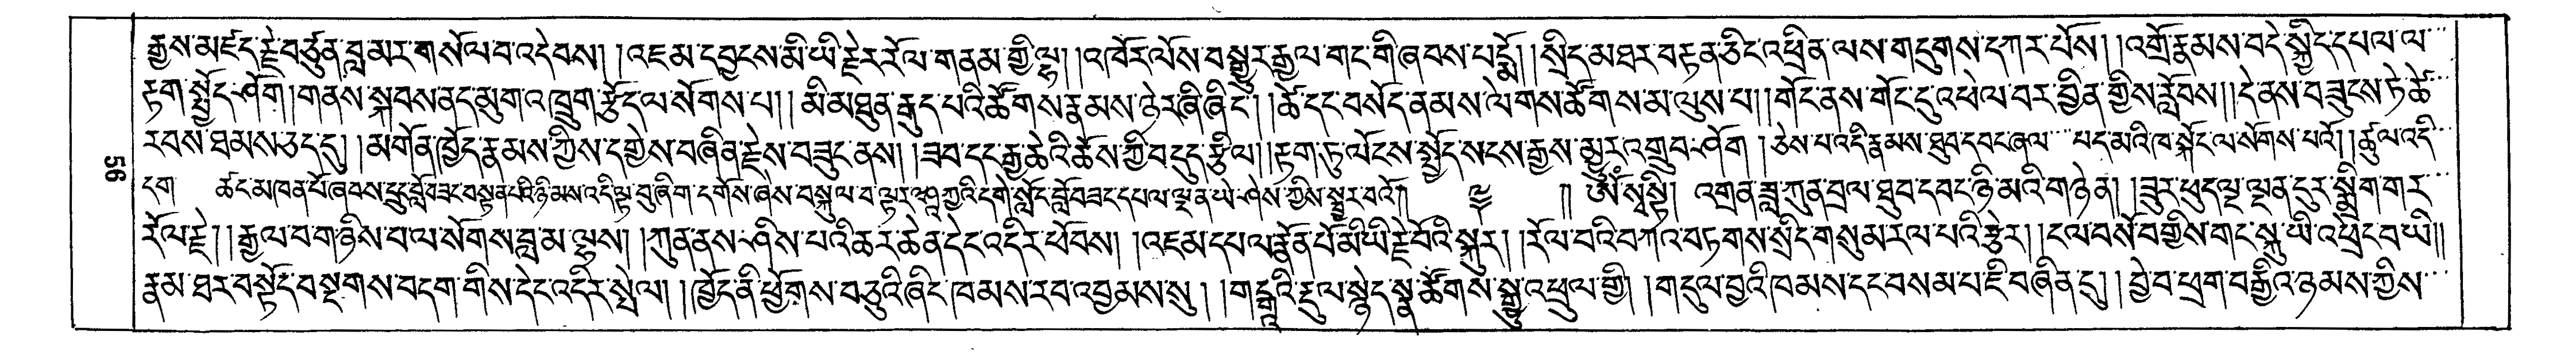རྒྱས་མཛད་རྗེ་བཙུན་བླ་མར་གསོལ་བ་འདེབས། །འཇམ་དབྱངས་མི་ཡི་རྗེར་རོལ་གནམ་གྱི་ལྷ། །འཁོར་ལོས་བསྒྱུར་རྒྱལ་གང་གི་ཞབས་པདམོ། །སྲིད་མཐར་བརྟན་ཅིང་འཕྲིན་ལས་གདུགས་དཀར་བོས། །འགྲོ་རྣམས་བདེ་སྐྱིད་དབལ་ལ་
རྟག་སྤྱོད་ཤོག །གནས་སྐབས་ནད་མུག་འཁྲུག་རྩོད་ལ་སོགས་པ། །མི་མཐུན་རྒུད་པའི་ཚོགས་རྣམས་ཉེར་ཞི་ཞིང་། །ཚེ་དང་བསོད་ནམས་ལེགས་ཚོགས་མ་ལུས་ག །གོང་ནས་གོང་དུ་འཕེལ་བར་བྱིན་གྱིས་རློབས། །དེ་ནས་བཟུངས་ཏེ་ཚེ་
རབས་ཐམས་ཅད་དུ། །མགོན་ཁྱོད་རྣམས་ཀྱིས་དགྱེས་བཞིན་རྗེས་བཟུང་ནས། ཟབ་དང་རྒྱ་ཆེའི་ཆོས་ཀྱི་བདུད་རྩིལ། །རྟག་ཏུ་ལོངས་སྤྱོད་སངས་རྒྱས་མྱུར་འགྲུབ་ཤོག། ཅེས་པ་འདི་རྣམས་ཐུབ་དབང་ཞལ། པད་མའི་ཁ་སྐོང་ལ་སོགས་པའོ། །ཚུལ་འདི་
དག་ནི་གྲོ་ཚང་མཁན་པོ་ཞབས་དྲུང་བློ་བཟང་བསྟན་པའི་ཉི་མཛད?་འདི་ལྟ་བུ་ཞིག་དགོས་ཞེས་བསྐུལ་བ་ལྟར ༧ཤཱཀྱའི་དགེ་སློང་བློ་བཟང་དཔལ་ལྡན་ཡེ་ཤེས་ཀྱིས་སྦྱར་བའོ།། ༈ །།ཨོཾ་སྭསྟི། འགྲན་ཟླ་ཀུན་བྲལ་ཐུབ་དབང་ཉི་མའི་གཉེན། །ཟུར་ཕུད་ལྔ་ལྡན་དུར་སྨྲིག་གར་
རོལ་རྗེ། །རྒྱལ་བ་གཉིས་པ་ལ་སོགས་བླ་མ་ལྷས། །ཀུན་ནས་ཤིས་པའི་ཆར་ཆེན་དེང་འདིར་ལོབས། །འཇམ་དཔལ་རྣོན་པོ་མི་ཡི་རྗེ་བོའི་སྐུར། །རོལ་བའི་བཀའ་བཏགས་སྲིད་གསུམ་རལ་པའི་རྩེར། །ངལ་བསོ་པ་གྱིས་གང་སྐུ་ཡི་འཕྲེང་བ་ཡི།།
རྣམ་ཐར་བསྟོད་བསྔགས་བདག་གིས་དེང་འདིར་སྤེལ། །ཁྱོད་ནི་ཕྱོགས་བཅུའི་ཞིང་ཁམས་རབ་འབྱམས་སུ། །གངྒཱའི་རྡུལ་སྙེད་སྣ་ཚོགས་སྒྱུ་འཕྲུལ་གྱི། །གདུལ་བྱའི་ཁམས་དང་བསམ་བ་ཇི་བཞིན་དུ། །བྱེ་བ་ཕྲག་བརྒྱའི་ཉམས་ཀྱིས་